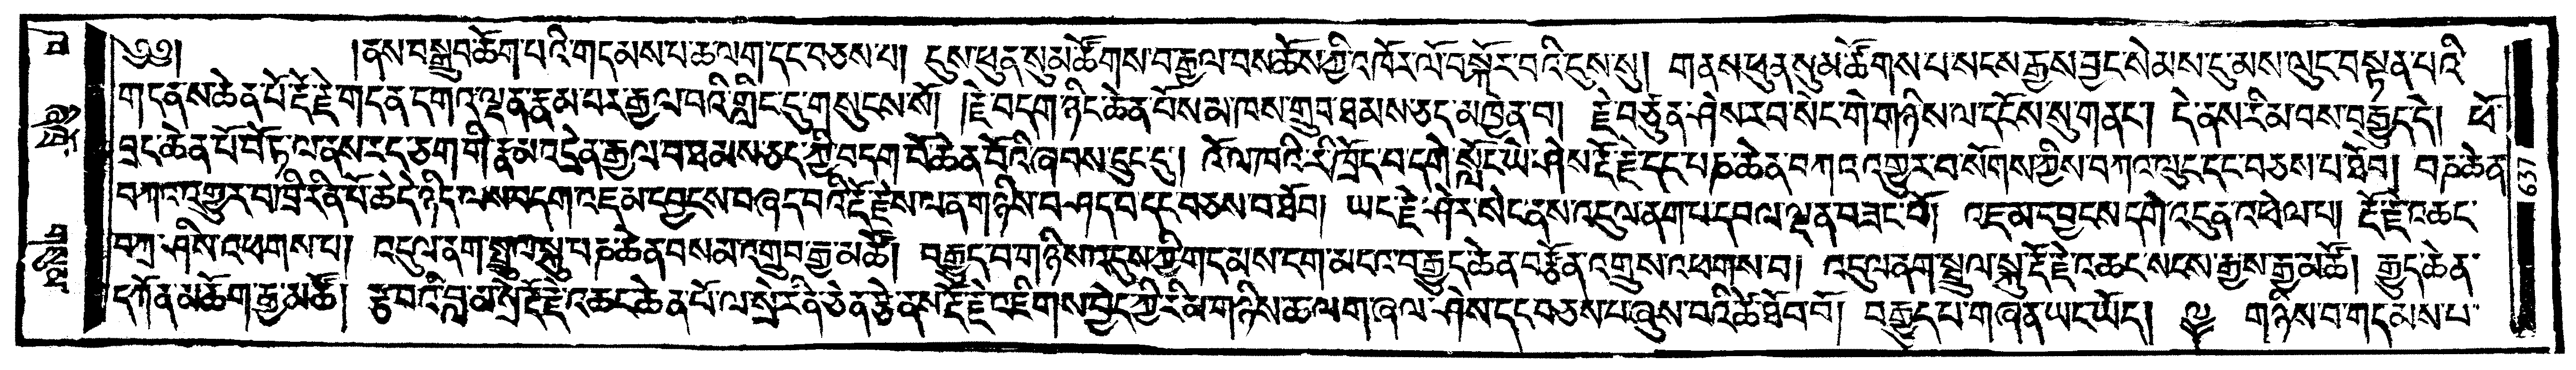༄༅། །ནས་བསྒྲུབ་ཆོག་པའི་གདམས་པ་ཆ་ལག་དང་བཅས་པ། དུས་ཕུན་སུམ་ཚོགས་བ་རྒྱལ་བས་ཆོས་ཀྱི་འཁོར་ལོ་བསྐོར་བའི་དུས་སུ། གནས་ཕུན་སུམ་ཚོགས་པ་སངས་རྒྱས་བྱང་སེམས་དུ་མས་ལུང་བསྟན་པའི་
གདན་ས་ཆེན་པོ་རྡོ་རྗེ་གདན་དགའ་ལྡན་རྣམ་པར་རྒྱལ་བའི་གླིང་དུ་གསུངས་སོ། །རྗེ་བདག་ཉིད་ཆེན་པོས་མཁས་གྲུབ་ཐམས་ཅད་མཁྱེན་བ། རྗེ་བཙུན་ཤེས་རབ་སེང་གེ་གཉིས་ལ་དངོས་སུ་གནང་། དེ་ནས་རིམ་བས་བརྒྱུད་དེ། ཕོ་
བྲང་ཆེན་པོ་བོ་ཏ་ལ་ནས་རང་ཅག་གི་རྣམ་འདྲེན་རྒྱལ་བ་ཐམས་ཅད་ཀྱི་བདག་པོ་ཆེན་པོའི་ཞབས་དྲུང་དུ། འོ་ལ་ཁའི་རི་ཁྲོད་པ་དགེ་སློང་ཡེ་ཤེས་རྡོ་རྗེ་དང་པཎ་ཆེན་བཀའ་འགྱུར་བ་སོགས་ཀྱིས་བཀའ་ལུང་དང་བཅས་པ་ཐོབ། པཎ་ཆེན་
བཀའ་འགྱུར་བ་ཁྲི་རིན་པོ་ཆེ་དེ་ཉིད་ལས་བདག་འཇམ་དབྱངས་བཞད་པའི་རྡོ་རྗེས་ལན་གཉིས་བཤད་བ་དང་བཅས་བ་ཐོབ། ཡང་རྗེ་ཤེར་སེང་ནས་འདུལ་ནག་པ་དཔལ་ལྡན་བཟང་པོ། འཇམ་དབྱངས་དགེ་འདུན་འཕེལ་པ། རྡོ་རྗེ་འཆང་
བཀྲ་ཤིས་འཕགས་པ། འདུལ་ནག་སྤྲུལ་སྐུ་པཎ་ཆེན་བསམ་འགྲུབ་རྒྱ་མཚོ། བརྒྱུད་པ་གཉིས་འདུས་ཀྱི་གདམས་ངག་མངའ་བ་རྒྱུད་ཆེན་བརྩོན་འགྲུས་འཕགས་བ། འདུལ་ནག་སྤྲུལ་སྐུ་རྡོ་རྗེ་འཆང་སངས་རྒྱས་རྒྱ་མཚོ། རྒྱུད་ཆེན་
དཀོན་མཆོག་རྒྱ་མཚོ། རྩ་བའི་བླ་མ་སྲེ་རྡོ་རྗེ་འཆང་ཆེན་པོ་ལ་སྲེ་རིན་ཅེན་རྩེ་ནས་རྡོ་རྗེ་འཇིགས་བྱེད་ཀྱི་རིམ་གཉིས་ཆ་ལག་ཞལ་ཤེས་དང་བཅས་པ་ཞུས་པའི་ཚེ་ཐོབ་བོ། བརྒྱུད་པ་གཞན་ཡང་ཡོད། ༈ གཉིས་པ་གདམས་པ་